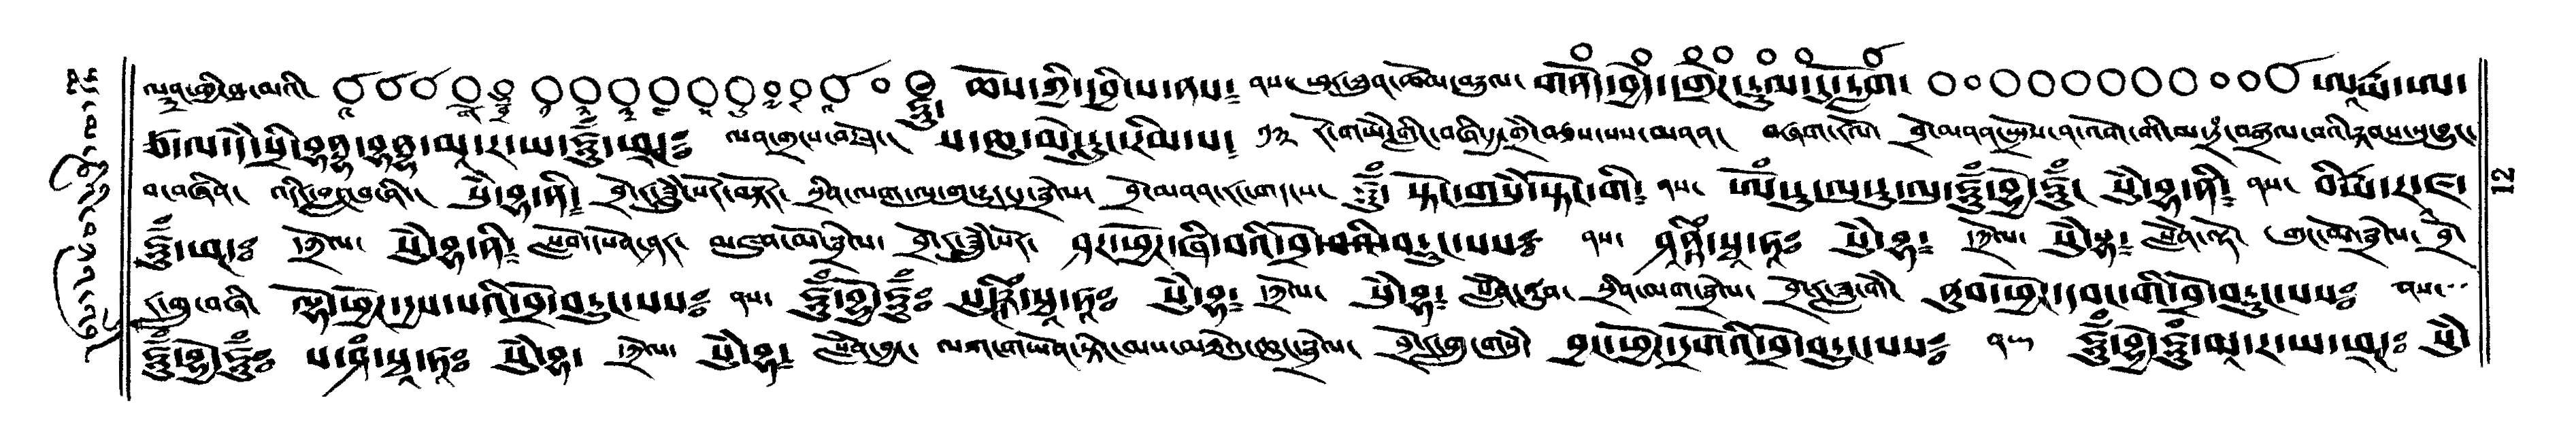ལན་གསུམ་གྱིས་ཐ་མའི། ཧྃའུ། ཆོས་ཀྱི་དབྱིངས་ནས༴ ནས། ཕུར་ཐུན་ཚོམ་བསྐུལ། གནོད་བྱེད་དགྲ་བགེགས་རྡུལ་དུ་རློགས། ཨཱརྻ་ཨ་
ཙ་ལ་དམ་སྲི་བྷནྡྷ་བྷནྡྷ་མཱ་ར་ཡ་ཧཱུྃ་ཕྲཊཿ ལན་གྲངས་རྗོད། ས་ཆུ་མེ་རླུང་རིམ་པ་བཅུ་གསུམ། རོ་གཡམ་གླིང་བཞི་རྒྱ་གྲམ་བཅས་པས་མནན། བཞག་རོལ། བྲོ་མནན་སྤྲོས་ན་འོག་གི་མ་ཏྲཾ་སྒྲོལ་བའི་སྐབས་སུ་བྱུང་
བ་བཞིན། འདིར་བླང་བ་ནི། སུམ་བྷ་ནི༴ བྲོ་ར་ཟླུམ་པོར་སྐོར། སྲིན་ལག་ལུ་གུ་རྒྱུད་དུ་སྦྲེལ། བྲོ་མནན་རང་གདངས། ཧཱུྃ། སྟོང་གསུམ་སྟོང་གི༴ ནས། ཨོཾ་རུ་ལུ་རུ་ལུ་ཧཱུྃ་བྷྱོ་ཧཱུྃ། སུམ་བྷ་ནི༴ ནས། བིདྱ་རཱ་ཛ་
ཧཱུྃ་ཕཊཿ དཀྲོལ། སུམ་བྷ་ནི༴ སློབ་དཔོན་ཤར། མཛུབ་མོ་སྦྲེལ། བྲོ་རྭ་ཟླུམ་པོར། ཤར་ཕྱོགས་ཞི་བའི་བྲོ་བརྡུངས་པས། །ནས། ཤཱནྟིཾ་སྭ་ཧཱཿ སུམ་བྷ༴ དཀྲོལ། སུམ་བྷ༴ སློབ་དཔོན་ལྷོ། གུང་མོ་སྦྲེལ། བྲོ་
རྭ་གྲུ་བཞི། ལྷོ་ཕྱོགས་རྒྱས་པའི་བྲོ་བརྡུངས་པས། ། ནས། ཧཱུྃ་བྷྱོ་ཧཱུྃཿ པུཥྚིཾ་སྭཧཱཿ སུམ་བྷ༴ དཀྲོལ། སུམ་བྷ༴ སློབ་དཔོན་ནུབ། སྲིན་ལག་སྦྲེལ། བྲོ་རྭ་ཟླ་གམ། ནུབ་ཕྱོགས་དབང་གི་བྲོ་བརྡུངས་པས།། ནས། 
ཧཱུྃ་བྷྱོ་ཧཱུྃཿ པ་ཤཾ་སྭ་ཧཱཿ སུམ་བྷ། དཀྲོལ། སུམ་བྷ༴ སློབ་དཔོན་བྱང་། ལག་གཡོན་སྟེང་མས་མཐེའུ་ཆུང་སྦྲེལ། བྲོ་ར་གྲུ་གསུམ། བྱང་ཕྱོགས་དྲག་པོའི་བྲོ་བརྡུངས་པས། །ནས། ཧཱུྃ་བྷྱོ་ཧཱུྃ་མཱ་ར་ཡ་ཕཊཿ སུམ་